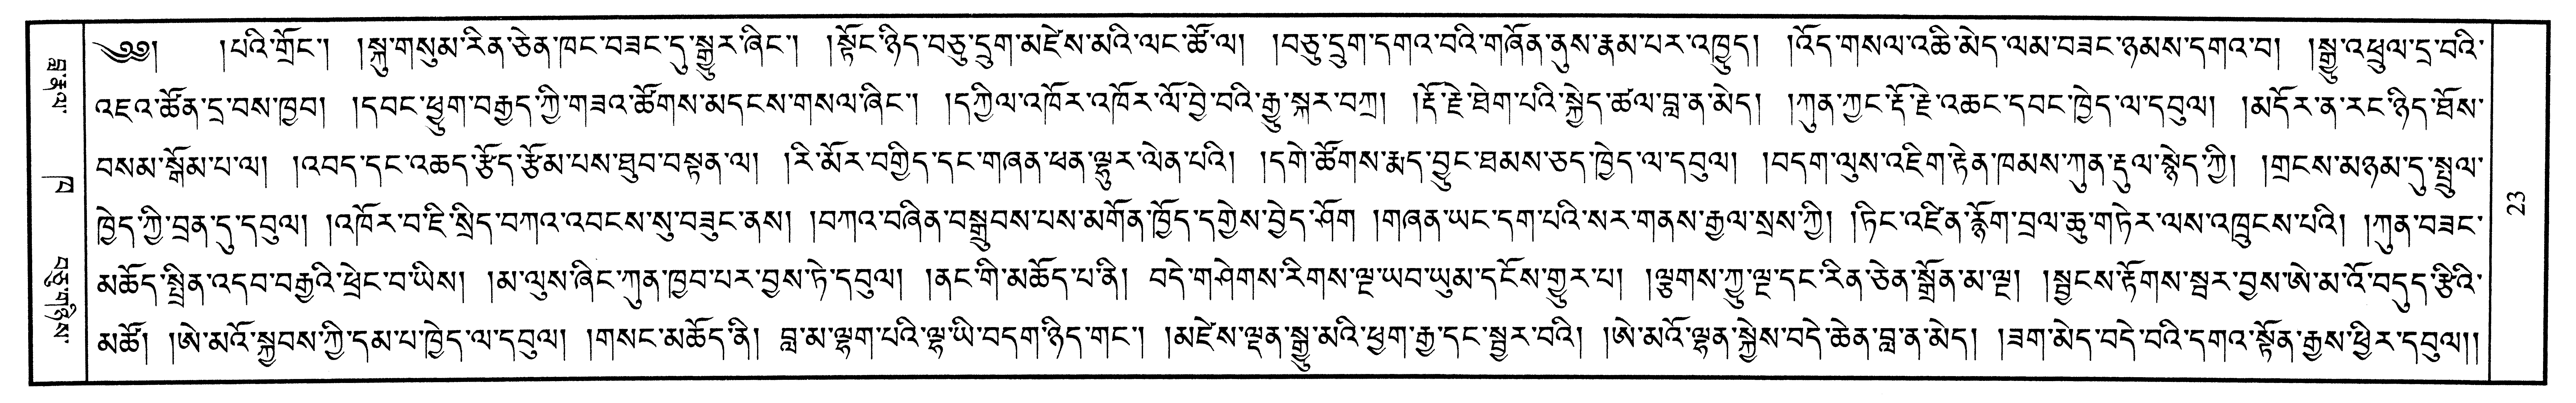༄༅། །པའི་གྲོང་། །སྐུ་གསུམ་རིན་ཅེན་ཁང་བཟང་དུ་སྒྱུར་ཞིང་། །སྟོང་ཉིད་བཅུ་དྲུག་མཛེས་མའི་ལང་ཚོ་ལ། །བཅུ་དྲུག་དགའ་བའི་གཞོན་ནུས་རྣམ་པར་འཁྱུད། །འོད་གསལ་འཆི་མེད་ལམ་བཟང་ཉམས་དགའ་བ། །སྒྱུ་འཕྲུལ་དྲ་བའི་
འཇའ་ཚོན་དྲ་བས་ཁྱབ། །དབང་ཕྱུག་བརྒྱད་ཀྱི་གཟའ་ཚོགས་མདངས་གསལ་ཞིང་། །དཀྱིལ་འཁོར་འཁོར་ལོ་བྱེ་བའི་རྒྱུ་སྐར་བཀྲ། །རྡོ་རྗེ་ཐེག་པའི་སྐྱེད་ཚལ་བླ་ན་མེད། །ཀུན་ཀྱང་རྡོ་རྗེ་འཆང་དབང་ཁྱེད་ལ་དབུལ། །མདོར་ན་རང་ཉིད་ཐོས་
བསམ་སྒོམ་པ་ལ། །འབད་དང་འཆད་རྩོད་རྩོམ་པས་ཐུབ་བསྟན་ལ། །རི་མོར་བགྱིད་དང་གཞན་ཕན་ལྷུར་ལེན་པའི། །དགེ་ཚོགས་རྨད་བྱུང་ཐམས་ཅད་ཁྱེད་ལ་དབུལ། །བདག་ལུས་འཇིག་རྟེན་ཁམས་ཀུན་རྡུལ་སྙེད་ཀྱི། །གྲངས་མཉམ་དུ་སྤྲུལ་
ཁྱེད་ཀྱི་བྲན་དུ་དབུལ། །འཁོར་བ་ཇི་སྲིད་བཀའ་འབངས་སུ་བཟུང་ནས། །བཀའ་བཞིན་བསྒྲུབས་པས་མགོན་ཁྱོད་དགྱེས་བྱེད་ཤོག །གཞན་ཡང་དག་པའི་སར་གནས་རྒྱལ་སྲས་ཀྱི། །ཏིང་འཛིན་རྙོག་བྲལ་ཆུ་གཏེར་ལས་འཁྲུངས་པའི། །ཀུན་བཟང་
མཆོད་སྤྲིན་འདབ་བརྒྱའི་ཕྲེང་བ་ཡིས། །མ་ལུས་ཞིང་ཀུན་ཁྱབ་པར་བྱས་ཏེ་དབུལ། །ནང་གི་མཆོད་པ་ནི། བདེ་གཤེགས་རིགས་ལྔ་ཡབ་ཡུམ་དངོས་གྱུར་པ། །ལྕགས་ཀྱུ་ལྔ་དང་རིན་ཅེན་སྒྲོན་མ་ལྔ། །སྦྱངས་རྟོགས་སྦར་བྱས་ཨེ་མ་འོ་བདུད་རྩིའི་
མཚོ། །ཨེ་མའོ་སྐྱབས་ཀྱི་དམ་པ་ཁྱེད་ལ་དབུལ། །གསང་མཆོད་ནི། །བླ་མ་ལྷག་པའི་ལྷ་ཡི་བདག་ཉིད་གང་། །མཛེས་ལྡན་སྒྱུ་མའི་ཕྱག་རྒྱ་དང་སྦྱར་བའི། །ཨེ་མའོ་ལྷན་སྐྱེས་བདེ་ཆེན་བླ་ན་མེད། །ཟག་མེད་བདེ་བའི་དགའ་སྟོན་རྒྱས་ཕྱིར་དབུལ།།